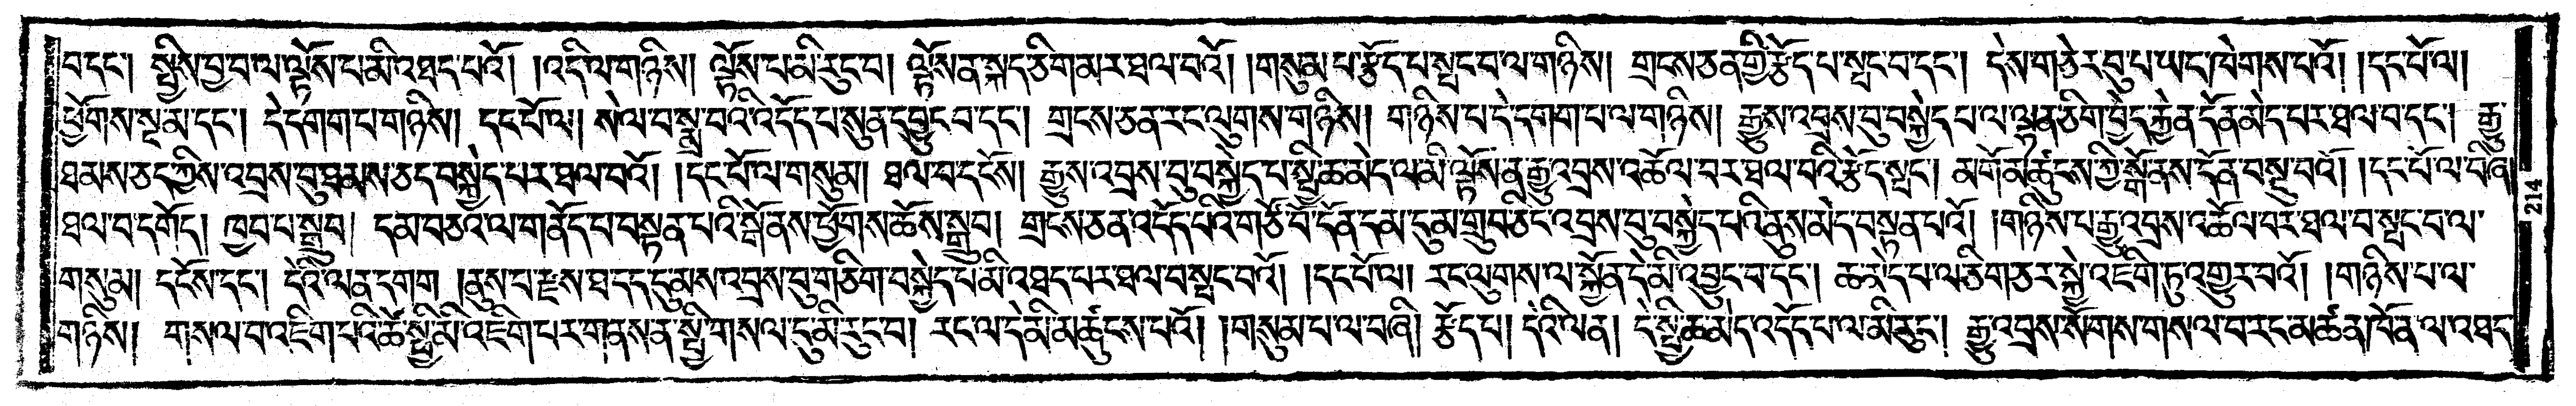བ་དང་། སྤྱིས་བྱ་བ་ལ་ལྟོས་པ་མི་འཐད་པའོ། །འདི་ལ་གཉིས། ལྟོས་པ་མི་རུང་བ། ལྟོས་ན་སྐད་ཅིག་མར་ཐལ་བའོ། །གསུམ་པ་རྩོད་པ་སྤང་བ་ལ་གཉིས། གྲངས་ཅན་གྱི་རྩོད་པ་སྤང་བ་དང་། དེས་གཅེར་བུ་པ་ཡང་ཁེགས་པའོ། །དང་པོ་ལ།
ཕྱོགས་སྔ་མ་དང་། དེ་དགག་པ་གཉིས། དང་པོ་ལ། སེལ་བ་སྨྲ་བའི་འདོད་པ་སུན་དབྱུང་བ་དང་། གྲངས་ཅན་རང་ལུགས་གཉིས། གཉིས་པ་དེ་དགག་པ་ལ་གཉིས། རྒྱུས་འབྲས་བུ་བསྐྱེད་པ་ལ་ལྷན་ཅིག་བྱེད་རྐྱེན་དོན་མེད་པར་ཐལ་བ་དང་། རྒྱུ་
ཐམས་ཅད་ཀྱིས་འབྲས་བུ་ཐམས་ཅད་བསྐྱེད་པར་ཐལ་བའོ། །དང་པོ་ལ་གསུམ། ཐལ་བ་དངོས། རྒྱུས་འབྲས་བུ་བསྐྱེད་པ་སྤྱི་ཆ་མེད་ལ་མི་ལྟོས་ན་རྒྱུ་འབྲས་འཆོལ་བར་ཐལ་བའི་རྩོད་སྤང་། མགོ་མཚུངས་ཀྱི་སྒོ་ནས་དོན་བསྡུ་བའོ། །དང་པོ་ལ་བཞི་
ཐལ་བ་དགོད། ཁྱབ་པ་སྒྲུབ། དམ་བཅའ་ལ་གནོད་པ་བསྟན་པའི་སྒོ་ནས་ཕྱོགས་ཆོས་སྒྲུབ། གྲངས་ཅན་འདོད་པའི་གཙོ་བོ་དོན་དམ་དུ་མ་གྲུབ་ཅིང་འབྲས་བུ་བསྐྱེད་པའི་ནུས་མེད་བསྟན་པའོ། །གཉིས་པ་རྒྱུ་འབྲས་འཆོལ་བར་ཐལ་བ་སྤང་བ་ལ་
གསུམ། དངོས་དང་། དེའི་ལན་དགག །ནུས་པ་རྫས་ཐ་དད་དུ་མས་འབྲས་བུ་གཅིག་བསྐྱེད་པ་མི་འཐད་པར་ཐལ་བ་སྤང་བའོ། །དང་པོ་ལ། རང་ལུགས་ལ་སྐྱོན་དེ་མི་འབྱུང་བ་དང་། ཆ་མེད་པ་ལ་ཅིག་ཅར་སྐྱེ་འཇིག་ཏུ་འགྱུར་བའོ། །གཉིས་པ་ལ་
གཉིས། གསལ་བ་འཇིག་པའི་ཚེ་སྥྱི་མི་འཇིག་པར་གནས་ན་སྤྱི་གསལ་དུ་མི་རུང་བ། རང་ལ་དེ་མི་མཚུངས་པའོ། །གསུམ་པ་ལ་བཞི། རྩོད་པ། དེའི་ལན། དེ་སྤྱི་ཆ་མེད་འདོད་པ་ལ་མི་རུང་། རྒྱུ་འབྲས་སོགས་གསལ་བ་རང་མཚན་ཁོ་ན་ལ་འཐད་